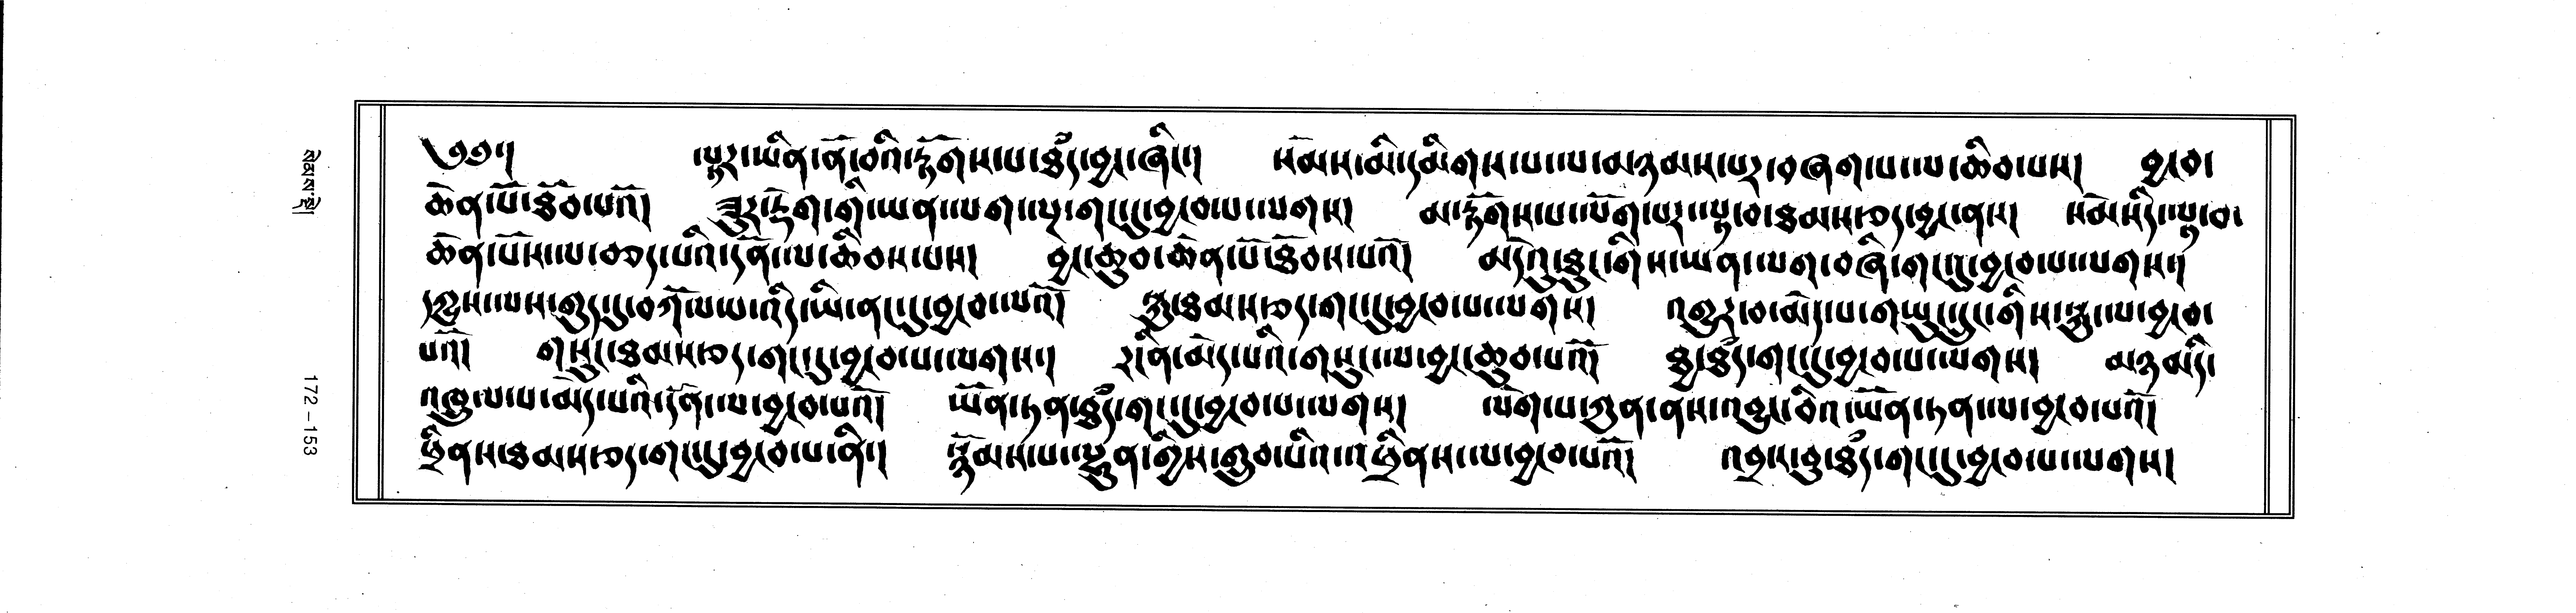ཡིན་ནོ་བའི་རྟོགས་པ་ཐམས་ཅད་བྱང་ཞིང་། སེམས་མི་དམིགས་པ་ལ་མཉམ་པར་བཞག་པ་ལ་ཆིབས་པས། བྱང་བ་
ཆེན་པོ་ཐོབ་པའོ། ཟུར་རྡེག་གི་ཡན་ལག་ལྔ་གང་དུ་བྱང་ཆུབ་པ་ལགས། མ་རྟོགས་པ་ལོག་པར་ལྟ་བ་ཐམས་ཅད་བྱང་ནས། སེམས་ཉིད་ལྟ་བ་
ཆེན་པོས་ལ་བཅད་པའི་དོན་ལ་ཆིབས་པས། བྱང་ཆུབ་ཆེན་པོ་ཐོབ་པའོ། མདེའུ་ཐུང་གིས་ཡན་ལག་བཞི་གང་དུ་བྱང་ཆུབ་པ་ལགས། 
དཀྱུས་ལས་གུད་དུ་བཀོལ་པ་འདི་ཡི་ནང་དུ་བྱང་ཆུབ་པའོ། སྐུ་ཐམས་ཅད་གང་དུ་བྱང་ཆུབ་པ་ལགས། འགྱུར་བ་མེད་པ་གཡུང་དྲུང་གིས་སྐུ་ལ་བྱང་ཆུབ་
པའོ། གསུང་ཐམས་ཅད་གང་དུ་བྱང་ཆུབ་པ་ལགས། རང་བཞིན་མེད་པའི་གསུང་ལ་བྱང་ཆུབ་པའོ། ཐུགས་ཐམས་ཅད་གང་དུ་བྱང་ཆུབ་་པ་ལགས། མཉམ་ཉིད་
འཁྲུལ་པ་མེད་པའི་དོན་ལ་བྱང་ཆུབ་པའོ། ཡོན་ཏན་ཐམས་ཅད་གང་དུ་བྱང་ཆུབ་པ་ལགས། ལེགས་པ་ཀུན་ནས་འབྱུང་བའི་ཡོན་ཏན་ལ་བྱང་ཆུབ་པའོ། 
ཕྲིན་ལས་ཐམས་ཅད་གང་དུ་བྱང་ཆུབ་པ་ནི། སྙོམས་པ་ལྷུན་གྱིས་གྲུབ་པའི་འཕྲིན་ལས་ལ་བྱང་ཆུབ་པའོ། འབྲས་བུ་ཐམས་ཆད་གང་དུ་བྱང་ཆུབ་པ་ལགས།